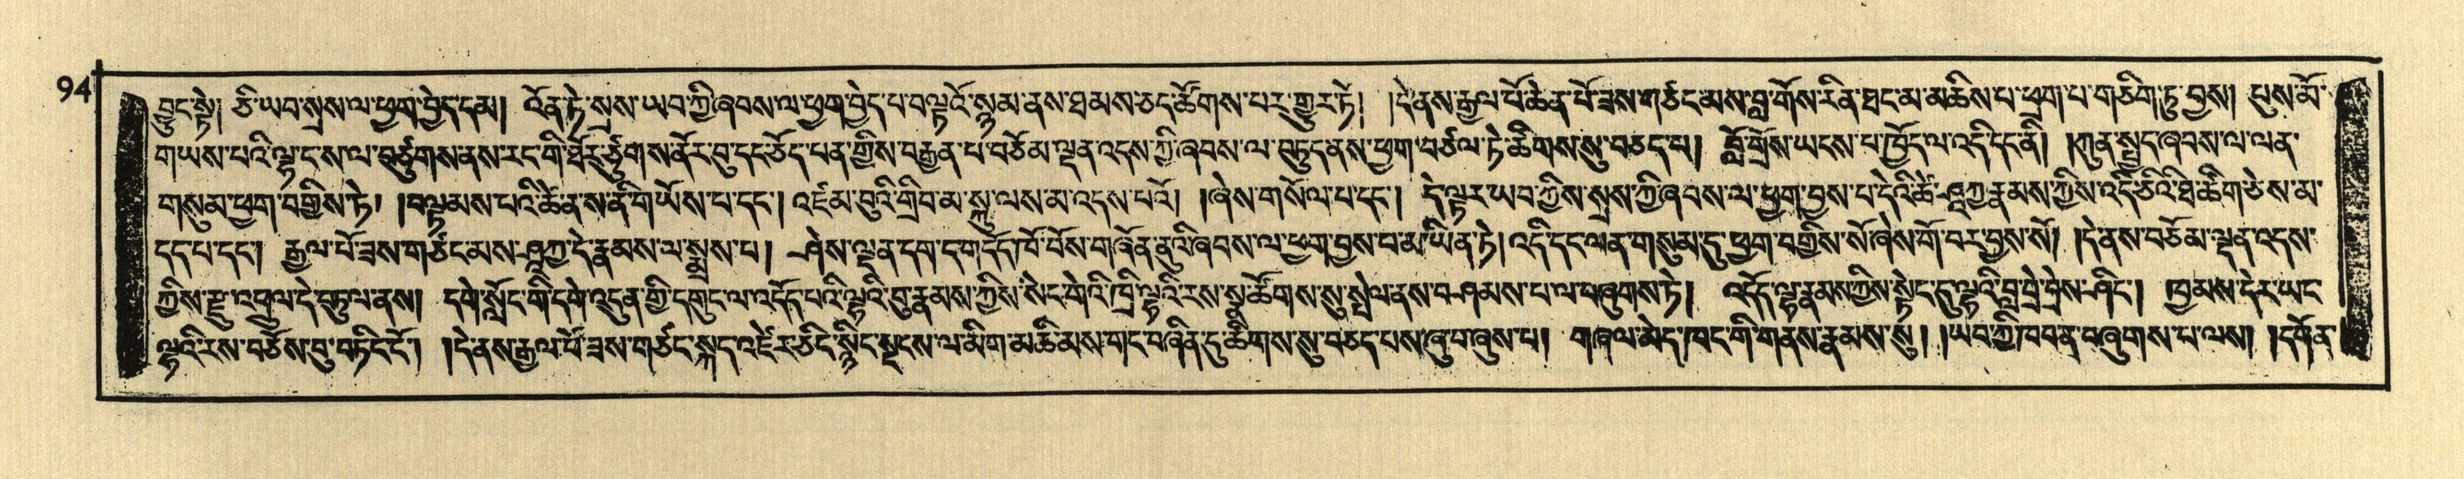བྱུང་སྟེ། ཅི་ཡབ་སྲས་ལ་ཕྱག་བྱེད་དམ། འོན་ཏེ་སྲས་ཡབ་ཀྱི་ཞབས་ལ་ཕྱག་བྱེད་པ་བལྟའོ་སྙམ་ནས་ཐམས་ཅད་ཚོགས་པར་གྱུར་ཏོ། །དེ་ནས་རྒྱལ་པོ་ཆེན་པོ་ཟས་གཙང་མས་བླ་གོས་རིན་ཐང་མ་མཆིས་པ་ཕྲག་པ་གཅིག་ཏུ་བྱས། པུས་མོ་
གཡས་པའི་ལྷ་ང་ས་ལ་བཙུགས་ནས་རང་གི་ཐོར་ཙུགས་ནོར་བུ་དང་ཅོད་པན་གྱིས་བརྒྱན་པ་བཅོམ་ལྡན་འདས་ཀྱི་ཞབས་ལ་བཏུད་ནས་ཕྱག་བཙལ་ཏེ་ཚིགས་སུ་བཅད་པ། བློ་གྲོས་ཡངས་པ་ཁྱོད་ལ་འདི་དང་ནི། །ཀུན་སྤྱད་ཞབས་ལ་ལན་
གསུམ་ཕྱག་བགྱིས་ཏེ། །བལྟམས་པའི་ཚེ་ན་ས་ནི་གཡོས་པ་དང་། འཛམ་བུའི་གྲིབ་མ་སྐུ་ལས་མ་འདས་པའོ། །ཞེས་གསོལ་པ་དང་། དེ་ལྟར་ཡབ་ཀྱིས་སྲས་ཀྱི་ཞབས་ལ་ཕྱག་བྱས་པ་དེའི་ཚེ་ཤཱཀྱ་རྣམས་ཀྱིས་འདི་ཅིའི་ཐ་ཚིག་ཅེས་མ་
དད་པ་དང་། རྒྱལ་པོ་ཟས་གཙང་མས་ཤཱཀྱ་དེ་རྣམས་ལ་སྨྲས་པ། ཤེས་ལྡན་དག་ད་གདོད་ཁོ་བོས་གཞོན་ནུའི་ཞབས་ལ་ཕྱག་བྱས་བ་མ་ཡིན་ཏེ། འདི་དང་ལན་གསུམ་དུ་ཕྱག་བགྱིས་སོ་ཞེས་གོ་བར་བྱས་སོ། །དེ་ནས་བཅོམ་ལྡན་འདས་
ཀྱིས་རྫུ་འཕྲུལ་དེ་བཏུལ་ནས། དགེ་སློང་གི་དགེ་འདུན་གྱི་དགུང་ལ་འདོད་པའི་ལྷའི་བུ་རྣམས་ཀྱིས་སེང་གེའི་ཁྲི་ལྷའི་རས་སྣ་ཚོགས་སུ་སྤེལ་ནས་བཤམས་པ་ལ་བཞུགས་ཏེ། འདོད་ལྷ་རྣམས་ཀྱིས་སྟེང་དུ་ལྷའི་བླ་བྲེ་བྲེས་ཤིང་། ཁྱམས་དེར་ཡང་
ལྷའི་རས་བཅོས་བུ་བཏིང་ངོ། །དེ་ནས་རྒྱལ་པོ་ཟས་གཙང་སྐད་འཛེར་ཅིང་སྙིང་སྡངས་ལ་མིག་མཆི་མས་གང་བཞིན་དུ་ཚིགས་སུ་བཅད་པས་ཞུ་བ་ཞུས་པ། གཞལ་མེད་ཁང་གི་གནས་རྣམས་སུ། །ཡབ་ཀྱི་ཁབ་ན་བཞུགས་པ་ལས། །དགོན་